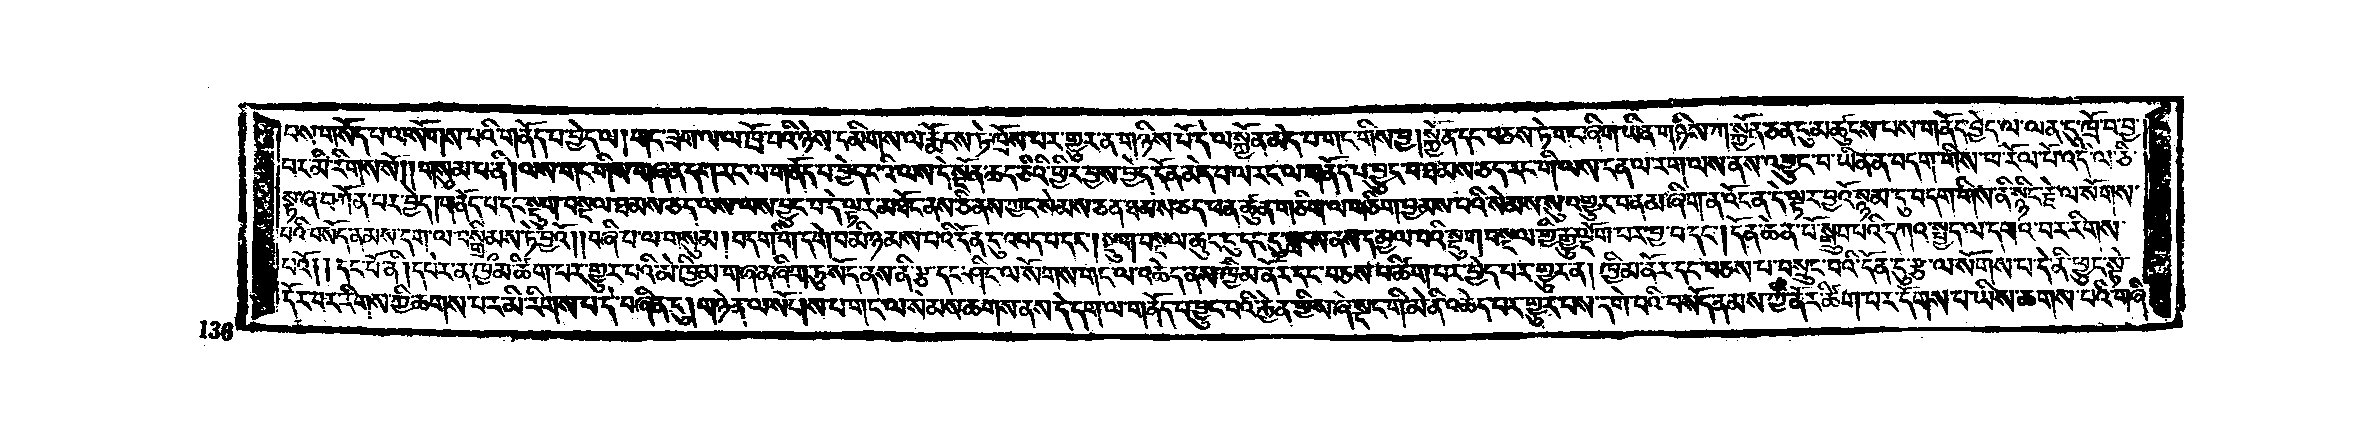པས་བསོད་པ་ལ་སོགས་པའི་གོན་པ་བྱེད་ལ། གང་ཟག་ལ་ལ་ཁྲོ་བའི་ཉེས་དམིགས་ལ་རྨོངས་ཏེ་ཁྲོས་པར་གྱུར་ན་གཉིས་པོ་དེ་ལ་སྐྱོན་མེད་པ་གང་གིས་བྱ། སྐྱོན་དང་བཅས་ཏེ་གང་ཞིག་ཡིན་གཉིས་ཀ་སྐྱོན་ཅན་དུ་མཚུངས་པས་གནོད་བྱེད་ལ་ལན་དུ་ཁྲོ་བ་བྱ་
བར་མི་རིགས་སོ། །གསུམ་པ་ནི། ལས་གང་གིས་གཞན་དག་རང་ལ་གནོད་པ་བྱེད་པའི་ལས་དེ་སྔོན་ཆད་ཅིའི་ཕྱིར་བྱས་བྱེད་དོན་མེད་པ་ལ་རང་ལ་གནོད་པ་བྱུང་བ་ཐམས་ཅད་རང་གི་ལས་ངན་ལ་རག་ལས་ནས་འབྱུང་བ་ཡིན་ན་བདག་གིས་ཕ་རོལ་པོ་འདི་ལ་ཅི་
སྟེ?་ཞ་བཀོན་པར་བྱེད། གནོད་པ་དང་སྡུག་བསྔལ་ཐམས་ཅད་ལས་ལས་བྱུང་བ་དེ་ལྟར་མཐོང་ནས་ཅི་ནས་ཀྱང་སེམས་ཅན་ཐམས་ཅད་ཕན་ཚུན་གཅིག་ལ་གཅིག་བྱམས་པའི་སེམས་སུ་འགྱུར་བ་ནམ་ཞིག་ན་འོང་ན་དེ་ལྟར་བྱའོ་སྙམ་དུ་བདག་གིས་ནི་སྙིང་རྗེ་ལ་སོགས་
པའི་བསོད་ནམས་དག་ལ་བསྒྲིམས་ཏེ་བྱའོ། །བཞི་པ་ལ་གསུམ། བདག་གི་དགེ་བ་མི་ཉམས་པའི་དོན་དུ་འབད་པ་དང་། སྡུག་བསྔལ་ཆུང་ངུ་དང་དུ་སླངས་ནས་དམྱལ་བའི་སྡུག་བསྔལ་གྱི་རྒྱུ་ལྡོག་པར་བྱ་དང་། དོན་ཆེན་པོ་སྒྲུབ་པའི་དཀའ་སྤྱད་ལ་དགའ་བར་རིགས་
པའོ༑ ༑དང་པོ་ནི། དཔེར་ན་ཁྱིམ་ཚིག་པར་གྱུར་པའི་མེ་ཁྱིམ་གཞན་ཞིག་ཏུ་སོད་ནས་ནི་རྩ་དང་ཤིང་ལ་སོགས་གང་ལ་འཆེད་ནས་ཁྱིམ་ནོར་དང་བཅས་པ་ཚིག་པར་བྱེད་པར་གྱུར་ན། ཁྱིམ་ནོར་དང་བཅས་པ་བསྲུང་བའི་དོན་དུ་རྩ་ལ་སོགས་པ་དེ་ནི་ཕྱུང་སྟེ་
དོར་བར་རིགས་ཀྱི་ཆགས་པར་མི་རིགས་པ་དེ་བཞིན་དུ། གཉེན་ལ་སོགས་པ་གང་ལ་སེམས་ཆགས་ནས་དེ་དག་ལ་གནོད་པ་བྱུང་བའི་རྐྱེན་གྱིས་ཞེ་སྡང་གི་མེ་ནི་འཆེད་པར་གྱུར་པས་དགེ་བའི་བསོད་ནམས་ཀྱི་ནོར་ཚིག་པར་དོགས་པ་ཡིས་ཆགས་པའི་གཞི་